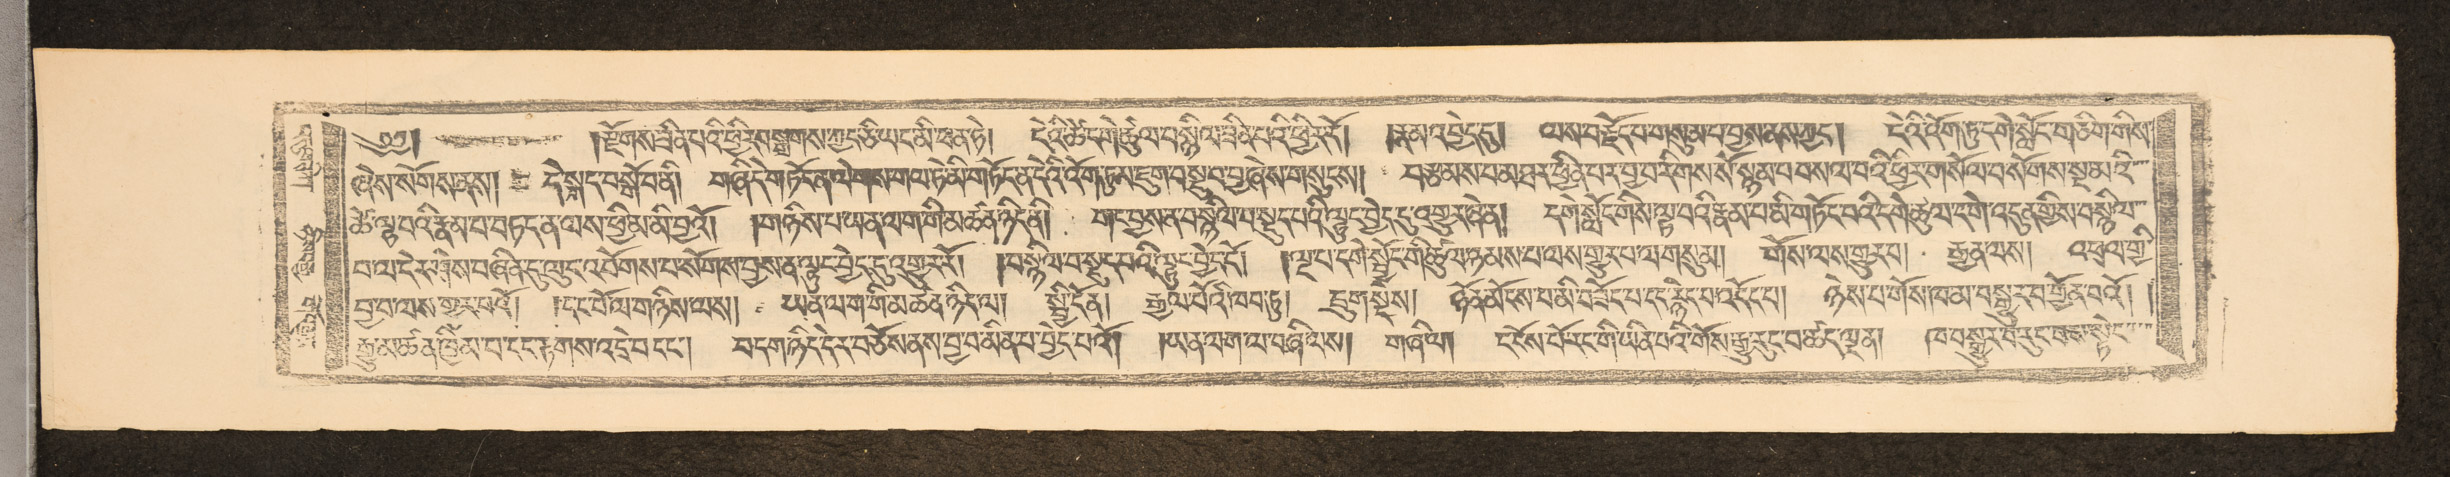༄༅། །རྫོགས་ཟིན་པའི་ཕྱིར་བསྒྲགས་ཀྱང་ཅི་ཡང་མི་ཕན་ཏེ། དེའི་ཚེ་དགེ་ཚུལ་བསྙིལ་ཟིན་པའི་ཕྱིར་རོ། །རྣམ་འབྱེད་དུ། ལས་བརྗོད་བ་གསུམ་བ་བྱས་ནས་ཀྱང་། དེའི་འོག་ཏུ་དགེ་སློང་གཅིག་གིས་
ཞེས་སོགས་ནས། དེ་སྐད་བསྒོ་བ་ནི། གཞི་དེ་གཏོར་ན་ལེགས་གལ་ཏེ་མི་གཏོང་ན་དེའི་འོག་ཏུ་མཇུག་བསྡུ་བ་བྱ་ཞེས་གསུངས། བརྩམས་པ་མཐར་ཕྱིན་པར་བྱ་བ་རིགས་སོ་སྙམ་པ་བསལ་བའི་ཕྱིར་གསོལ་བ་སོགས་སྔ་མའི་
ཚེ་ལྟ་བའི་རྣམ་པ་བཏད་ན་ལས་ཕྱི་མ་མི་བྱའོ། །གཉིས་པ་ཡན་ལག་གི་མཚན་ཉིད་ནི། གང་བྱས་ན་བསྙིལ་བསྡུད་པའི་ལྟུང་བྱེད་དུ་འགྱུར་ཞེ་ན། དགེ་སློང་གིས་ལྟ་བའི་རྣམ་བ་མི་གཏོང་བའི་དགེ་ཚུལ་དགེ་འདུན་གྱིས་བསྙིལ་
བ་ལ་དེར་ཤེས་བཞིན་དུ་ལུང་འབོགས་པ་སོགས་བྱས་ན་ལྟུང་བྱེད་དུ་འགྱུར་རོ། །བསྙིལ་བ་སྡུད་བའི་ལྟུང་བྱེད་དོ། །ལྔ་བ་དགེ་སྦྱོང་གི་ཚུལ་ཉམས་བ་ལས་གྱུར་བ་ལ་གསུམ། གོས་ལས་གྱུར་པ། རྒྱན་ལས། འཕྲལ་གྱི་
བྱ་བ་ལས་གྱུར་པའོ། །དང་པོ་ལ་གཉིས་ལས། ཡན་ལག་གི་མཚན་ཉིད་ལ། སྤྱི་དོན། རྒྱལ་པོའི་ཁབ་ཏུ། དྲུག་སྡེས། ཉོན་མོངས་པ་མི་བཟོད་པ་དང་རྙེད་པ་འདོད་པ། ཉེས་པ་གོས་ཁ་མ་བསྒྱུར་བ་གྱོན་བའོ། །
རྒྱུ་མཚན་ཁྱིམ་པ་དང་རྟགས་འདྲེ་བ་དང་། བདག་ཉིད་དེར་བཅོས་ནས་བྱ་བ་མིན་པ་བྱེད་པའོ། །ཡན་ལག་ལ་བཞི་ལས། གཞི་ལ། དངོས་པོ་རང་གི་ཡིན་བའི་གོས་རྒྱུ་རུང་བ་ཚད་ལྔ་ན། ཁ་བསྒྱུར་བ་རུང་བས་སྟེང་